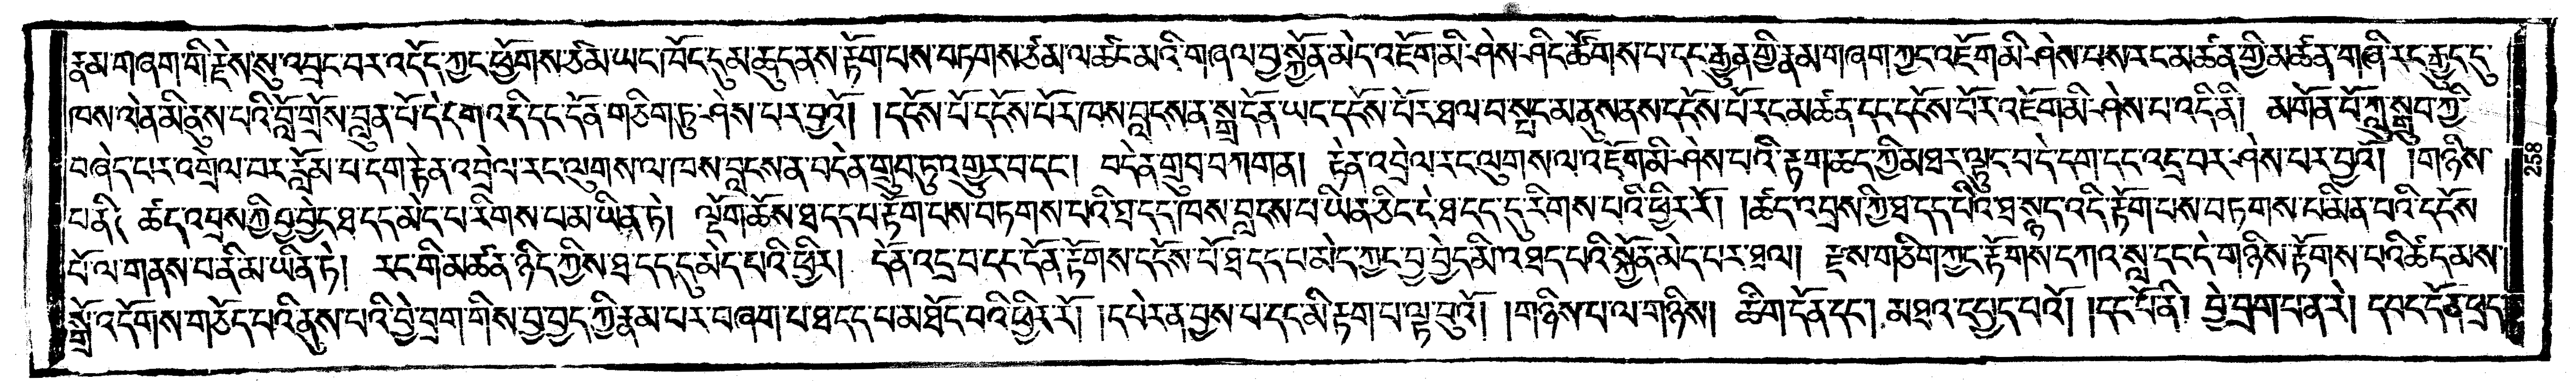རྣམ་གཞག་གི་རྗེས་སུ་འབྲང་བར་འདོད་ཀྱང་ཕྱོགས་ཙམ་ཡང་ཁོང་དུ་མ་ཆུད་ནས་རྟོག་པས་བཏགས་ཙམ་ལ་ཚང་མའི་གཞལ་བྱ་སྐྱོན་མེད་འཇོག་མི་ཤེས་ཤིང་ཚོགས་པ་དང་རྒྱུན་གྱི་རྣམ་གཞག་ཀྱང་འཇོག་མི་ཤེས་པས་རང་མཚན་གྱི་མཚན་གཞི་རང་རྒྱུད་དུ་
ཁས་ལེན་མི་ནུས་པའི་བློ་གྲོས་བླུན་པོ་དེ་དག་འདི་དང་དོན་གཅིག་ཏུ་ཤེས་པར་བྱའོ། །དངོས་པོ་དངོས་པོར་ཁས་བླངས་ན་སྒྲ་དོན་ཡང་དངོས་པོར་ཐལ་བ་སྤང་མ་ནུས་ནས་དངོས་པོ་རང་མཚན་དང་དངོས་པོར་འཇོག་མི་ཤེས་པ་འདི་ནི། མགོན་པོ་ཀླུ་སྒྲུབ་ཀྱི་
བཞེད་པར་འགྲེལ་པར་རློམ་པ་དག་རྟེན་འབྲེལ་རང་ལུགས་ལ་ཁས་བླངས་ན་བདེན་གྲུབ་ཏུ་འགྱུར་བ་དང་། བདེན་གྲུབ་བཀག་ན། རྟེན་འབྲེལ་རང་ལུགས་ལ་འཇོག་མི་ཤེས་པའི་རྟག་ཆད་ཀྱི་མཐར་ལྟུང་བ་དེ་དག་དང་འདྲ་བར་ཤེས་པར་བྱའོ། །གཉིས་
པ་ནི། ཚད་འབྲས་ཀྱི་བྱ་བྱེད་ཐ་དད་མེད་པ་རིགས་པ་མ་ཡིན་ཏེ། ལྡོག་ཆོས་ཐ་དད་པ་རྟོག་པས་བཏགས་པའི་ཐ་དད་ཁས་བླངས་པ་ཡིན་ཅིང་དེ་ཐ་དད་དུ་རིགས་པའི་ཕྱིར་རོ། །ཚད་འབྲས་ཀྱི་ཐ་དད་པའི་ཐ་སྙད་འདི་རྟོག་པས་བཏགས་པ་མིན་པའི་དངོས་
པོ་ལ་གནས་པ་ནི་མ་ཡིན་ཏེ། རང་གི་མཚན་ཉིད་ཀྱིས་ཐ་དད་དུ་མེད་པའི་ཕྱིར། དོན་འདྲ་བ་དང་དོན་རྟོགས་དངོས་པོ་ཐ་དད་པ་མེད་ཀྱང་བྱ་བྱེད་མི་འཐད་པའི་སྐྱོན་མེད་པར་ཐལ། རྫས་གཅིག་ཀྱང་རྟོགས་དཀའ་སླ་དང་དེ་གཉིས་རྟོགས་པའི་ཚད་མས་
སྒྲོ་འདོགས་གཅོད་པའི་ནུས་པའི་བྱེ་བྲག་གིས་བྱ་བྱད་ཀྱི་རྣམ་པར་བཞག་པ་ཐ་དད་པ་མཐོང་བའི་ཕྱིར་རོ། །དཔེར་ན་བྱས་པ་དང་མི་རྟག་པ་ལྟ་བུའོ། །གཉིས་པ་ལ་གཉིས། ཚིག་དོན་དང་། མཐའ་དཔྱད་པའོ། །དང་པོ་ནི། བྱེ་བྲག་པ་ན་རེ། དབང་དོན་ཕྲད་